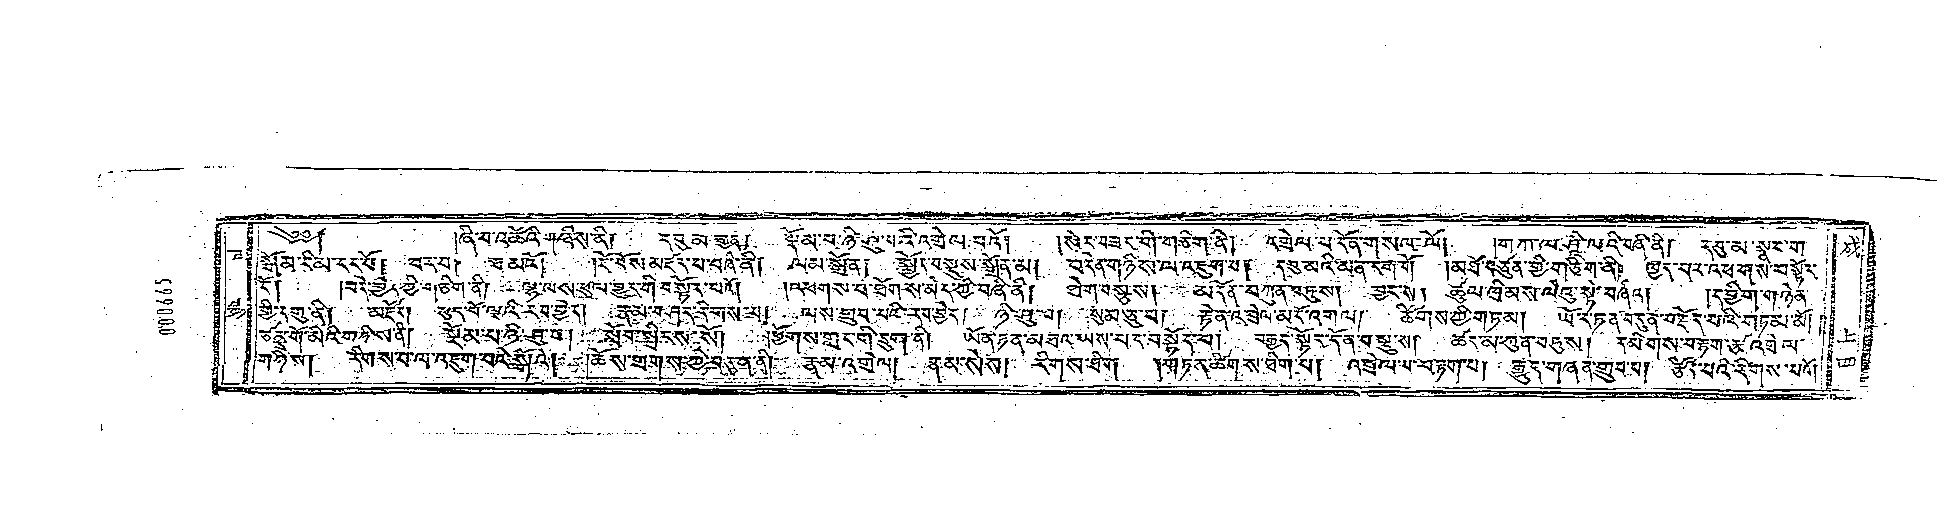༄༅། །ཞི་བ་འཚོའི་གཞིས་ནི། དབུ་མ་རྒྱན། སྡོམ་པ་ཉི་ཤུ་པའི་འགྲེལ་པའོ། །སེང་བཟང་གི་གཅིག་ནི། འགྲེལ་པ་དོན་གསལ་ལོ། །གཀ་ལ་ཤཱི་ལའི་བཞི་ནི། དབུ་མ་སྣང་ག་
སྒོམ་རིམ་དང་པོ། བར་བ། ཐ་མའོ། །ཇོ་བོས་མཛད་པ་བཞི་ནི། ལམ་སྒྲོན། སྦྱོད་བསྡུས་སྒྲོན་མ། བདེན་གཉིས་ལ་འཇུག་པ། དབུ་མའི་མན་ངག་བོ། །མཐོ་བཙུན་གྱི་གཅིག་ནི། ཁྱད་པར་འཕགས་བསྟོང་
ངོ། །བདེ་བྱེད་ཀྱི་གཅིག་ནི། ལྷ་ལས་ཕུལ་བྱུང་གི་བསྟོད་པའོ། །འཕགས་པ་ཐོགས་མེད་ཀྱི་བཞི་ནི། ཐེག་བསྩས། མངོན་པ་ཀུན་བཏུས། བྱང་ས། ཚུལ་ཁྲིམས་ལེའུ་སྟེ་བཞིའོ། །དབྱིག་གཉེན་
གྱི་དགུ་ནི། མཛོད། ཕུང་པོ་ལྔའི་རབ་བྱེད། རྣམ་བཤད་རིགས་པ། ལས་གྲུབ་པའི་རབ་བྱེད། ཉི་ཤུ་པ། སུམ་ཅུ་པ། རྟེན་འབྲེལ་མདོ་འགལ། ཚིགས་ཀྱི་གཏམ། ཡོན་ཏན་བདུན་བརྗོད་པའི་གཏམ་མོ།
ཙནྡྲ་གོ་མིའི་གཉིས་ནི། སྡོམ་པ་ཉི་ཤུ་བ། སློབ་སྤྲིངས་སོ། །ཕྱོགས་གླང་གི་དྲུག་ནི། ཡོན་ཏན་མཐའ་ཡས་པར་བསྟོད་པ། བརྒྱད་སྟོང་དོན་བསྡུ་ས། ཚད་མ་ཀུན་བཏུས། དམིགས་བརྟག་རྩ་འགྲེལ་
ཆེན་རྡོ་རྗེའི་གཅིག་ནི། ཚད་མ་རིགས་པ་ལ་སྦྱོར་བའོ། །ཆོས་རྣམ་འགྲེལ། རྣམ་སེས། རིགས་ཐིག །གཏན་ཚིགས་ཐིག་པ། འབྲེལ་པ་བརྟག་པ། རྒྱུད་གཞན་གྲུབ་པ། རྩའི་པའི་རིགས་པའོ།